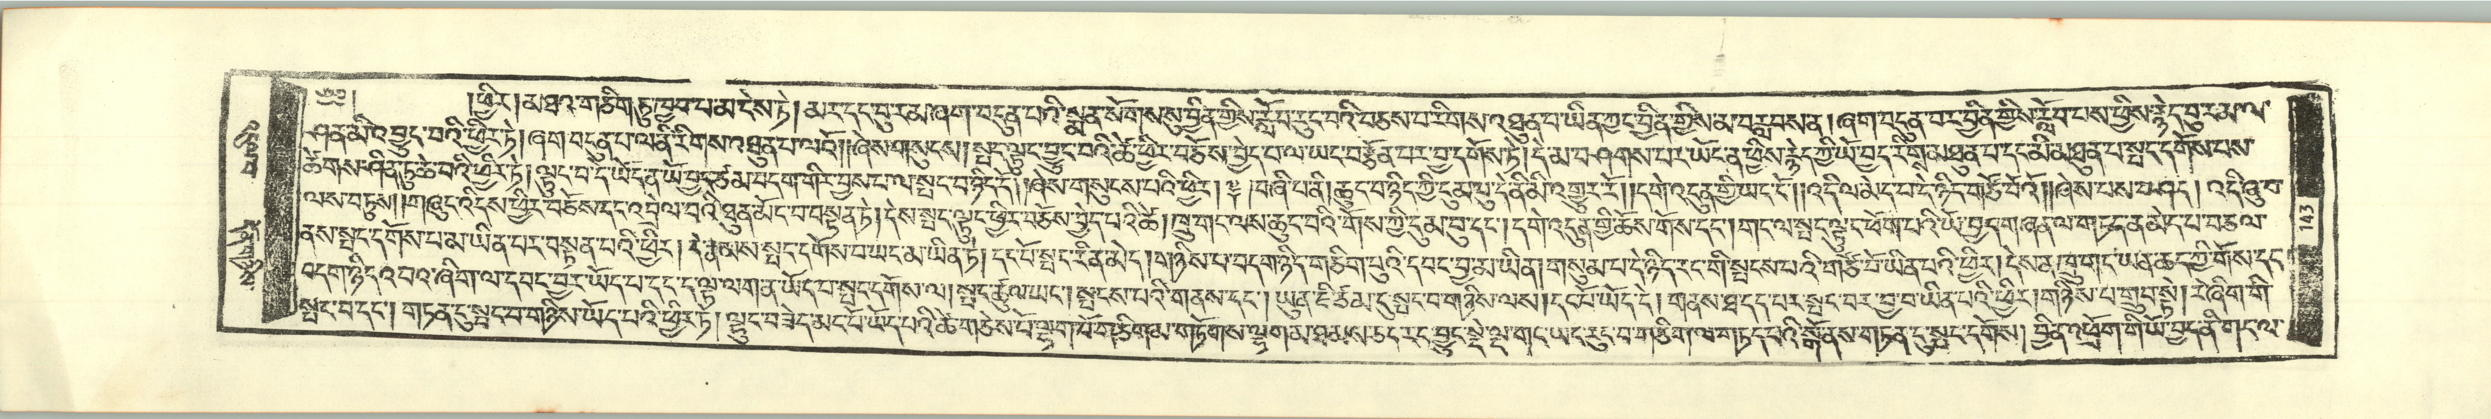༄༅། །ཕྱིར། མཐའ་གཅིག་ཏུ་ཁྱབ་པ་མ་ངེས་ཏེ། མར་དང་བུ་རམ་ཞག་བདུན་པའི་སྨན་སོགས་སུ་བྱིན་གྱིས་རློབ་རུང་བའི་བཅས་པ་རིགས་འཐུན་པ་ཡིན་ཀྱང་བྱིན་གྱིས་མ་བརླབས་ན། ཞག་བདུན་བར་བྱིན་གྱིས་རློབ་པས་ཕྱིས་རྙེད་བུ་རམ་ལ་
ཤན་མི་འབྱུང་བའི་ཕྱིར་ཏེ། ཞག་བདུན་པ་ལ་ནི་རིགས་འཐུན་པ་ལའོ། །ཞེས་གསུངས། སྤང་ལྟུང་བྱུང་བའི་ཚེ་ཕྱིར་བཅོས་བྱེད་པ་ལ་ཡང་བརྩོན་པར་བྱ་དགོས་ཏེ། དེ་མ་བཤགས་པར་ཡོད་ན་ཕྱིས་རྙེད་ཀྱི་ཡོ་བྱད་རིགས་མཐུན་པ་དང་མི་མཐུན་པ་སྤང་དགོས་པས་
ཚེགས་ཤིན་ཏུ་ཆེ་བའི་ཕྱིར་ཏེ། ལྟུང་བ་དེ་ཡོད་ན་ཡོ་བྱད་ཙམ་བདག་གིར་བྱས་པ་ལ་སྤང་བ་ཉིད་དོ། །ཞེས་གསུངས་པའི་ཕྱིར། ༈ །བཞི་པ་ནི། ཆུང་བ་ཉིད་ཀྱི་དུམ་བུ་དེ་ནི་མི་འགྱུར་རོ། །དགེ་འདུན་གྱི་ཡང་ངོ། །འདི་ལ་མེད་པ་དེ་ཉིད་གཙོ་བོའོ། །ཞེས་པས་བཤད། འདི་ཞུ་བ་
ལས་བཏུས། །གཞུང་འདིས་ཕྱིར་བཅོས་དང་འབྲེལ་བའི་ཐུན་མོང་བ་བསྟན་ཏེ། དེས་སྤང་ལྟུང་ཕྱིར་བཅོས་བྱེད་པའི་ཚེ། ཁྲུ་གང་ལས་ཆུང་བའི་གོས་ཀྱི་དུམ་བུ་དང་། དགེ་འདུན་གྱི་ཆོས་གོས་དང་། གང་ལ་སྤང་ལྟུང་ཕོག་པའི་ཡོ་བྱད་གཞན་ལ་གཏད་ན་མེད་པ་བཅལ་
ནས་སྤང་དགོས་པ་མ་ཡིན་པར་བསྟན་པའི་ཕྱིར། དེ་རྣམས་སྤང་དགོས་པ་ཡང་མ་ཡིན་ཏེ། དང་པོ་སྤང་རིན་མེད། གཉིས་པ་བདག་ཉིད་གཅིག་པུའི་དབང་བྱ་མ་ཡིན། གསུམ་པ་དེ་ཉིད་རང་གི་སྤངས་པའི་གཙོ་བོ་ཡིན་པའི་ཕྱིར། དེས་ན་ཁྲུ་གང་ཡན་ཆད་ཀྱི་གོས་དང་
བདག་ཉིད་འབའ་ཞིག་ལ་དབང་བྱར་ཡོད་པ་དང་ད་ལྟ་ལག་ན་ཡོད་པ་སྤང་དགོས་ལ། སྤང་ཚུལ་ཡང་། སྤངས་པའི་གནས་དང་། ཡུན་ཇི་ཙམ་དུ་སྤང་བ་གཉིས་ལས། དང་པོ་ཡོད་དེ། གནས་ཐ་དད་པར་སྤང་བར་བྱ་བ་ཡིན་པའི་ཕྱིར། གཉིས་པ་གྲུབ་སྟེ། རེ་ཞིག་གི་
སྤང་བ་དང་། གཏན་དུ་སྤང་བ་གཉིས་ཡོད་པའི་ཕྱིར་ཏེ། ལྟུང་བཟེད་མང་པོ་ཡོད་པའི་ཚེ་གཅེས་པོ་ལྷག་པོ་གཅིག་མ་གཏོགས་ལྷག་མ་ཐམས་ཅད་རང་བྱུང་སྡེ་ལྔ་གང་ཡང་རུང་བ་གཅིག་ལ་གཏད་པའི་སྒོ་ནས་གཏན་དུ་སྤང་དགོས། བྱིན་འཕྲོག་གི་ཡོ་བྱད་ནི་གང་ལ་